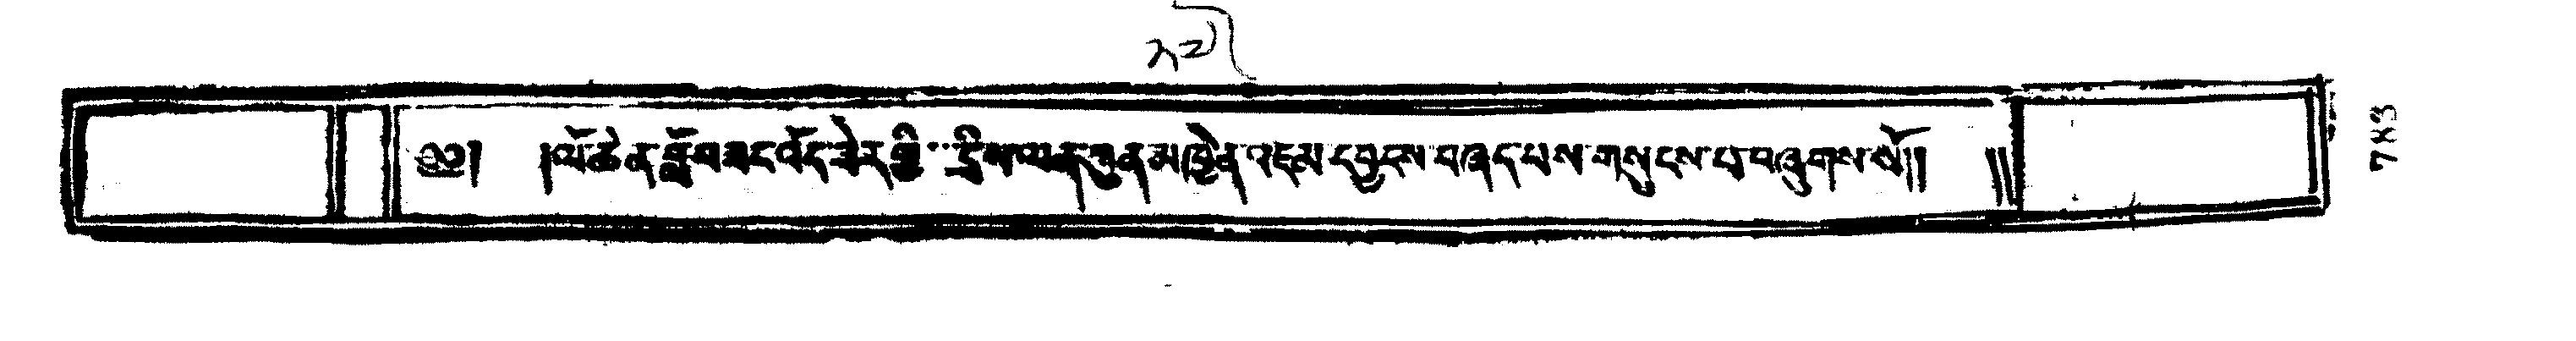༄༅། །ལོ་ཆེན་བློ་བཟང་འོད་ཟེར་གྱི་དྲིས་ལན་ཀུན་མཁྱེན་འཇམ་དབྱངས་བཞད་པས་གསུངས་བ་བཞུགས་སོ།། །།